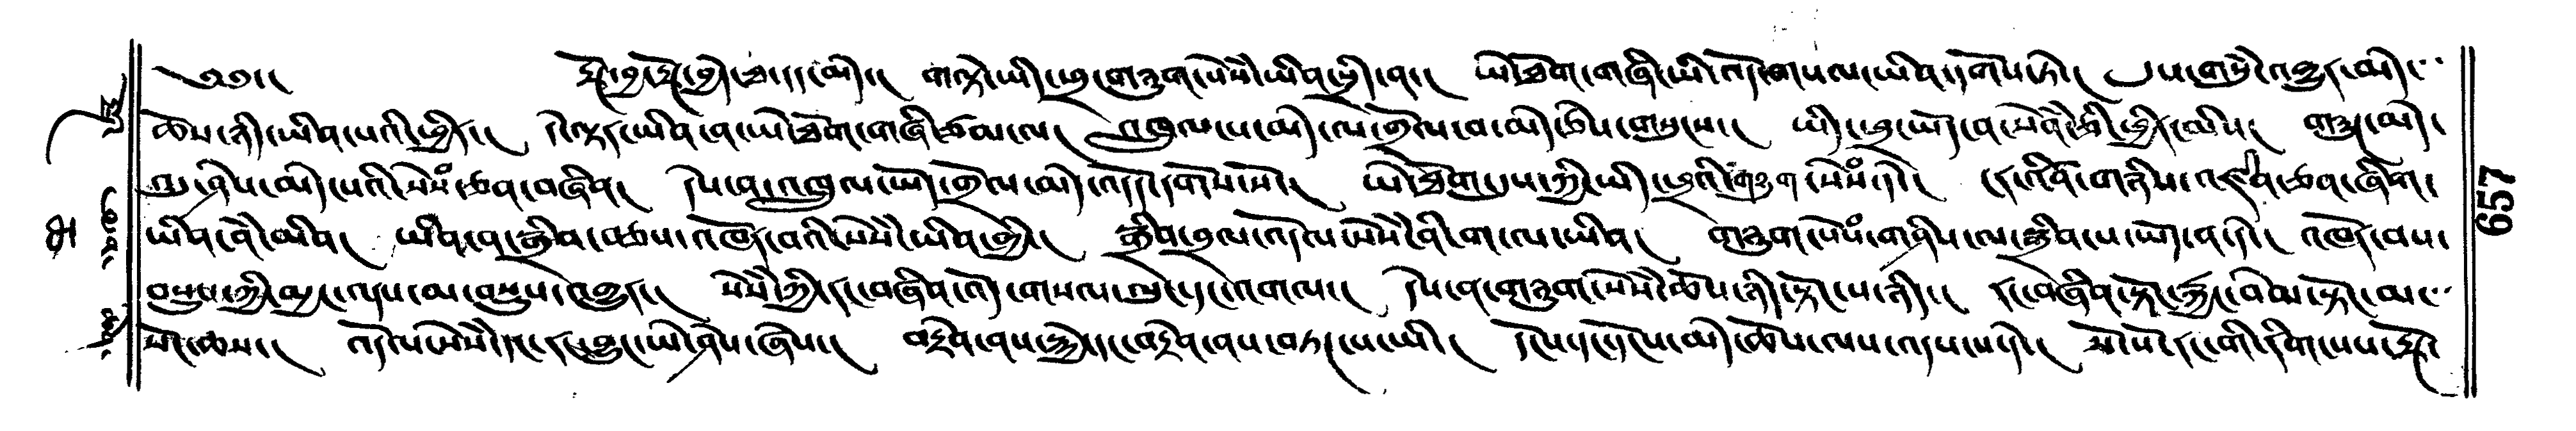རྟོགས་བྱ་རྟོགས་བྱེད་ཐ་དད་མེད། །གལ་ཏེ་ཡིད་ཕྲ་གཉུག་སེམས་ཡིན་སྲིད་ན། །ཡེ་ཐོག་གཞི་ཡི་འོད་གསལ་ཡིན་དགོས་ཏེ། །དུས་གསུམ་འགྱུར་མེད་
ཆོས་ཉིད་ཡིན་པའི་ཕྱིར། །དེ་ལྟར་ཡིན་ན་ཡེ་ཐོག་གཞི་ཙམ་ལ། །འཁྲུལ་པ་མེད་ལ་གྲོལ་བ་མེད་ཅེས་གསུངས། །ཡིད་ཕྲ་ཡོད་ན་སེམས་ཅན་ཅི་ཕྱིར་མིས། །གཟུགས་མེད་
འདུ་ཤེས་མེད་པའི་སེམས་ཅན་བཞིན། །དེ་ན་འཁྲུལ་ཡོད་གྲོལ་མེད་འདོད་དགོས་སོ། །ཡེ་ཐོག་དུས་ཀྱི་ཡིད་ཕྲའི་གཉུག་སེམས་དེ། །ངར་འཛིན་གཉིས་འཛིན་ཅན་ཞིག་
ཡིན་ནམ་མིན། །ཡིན་ན་སྒྲིབ་བཅས་འཁོར་བའི་སེམས་ཡིན་གྱི། །སྒྲིབ་བྲལ་འོད་གསལ་སེམས་ནི་ག་ལ་ཡིན། །གཉུག་སེམས་གཤིས་ལ་སྒྲིབ་པ་ཡོད་ན་དེ། །འཁོར་བས་
བསྡུས་ཀྱི་མྱང་འདས་མ་བསྡུས་འགྱུར། །སེམས་ཀྱི་རང་བཞིན་འོད་གསལ་ལུང་དང་འགལ། །དེས་ན་གཉུག་སེམས་ཆོས་ཉིད་སྟོང་པ་ཉིད། །རང་བཞིན་སྟོང་རྐྱང་བེམ་སྟོང་མ་
སོང་ཆས། །འོད་གསལ་སེམས་དང་རང་བྱུང་ཡེ་ཤེས་ཞེས། །བརྟེན་ནས་སྐྱེ་དང་བརྟེན་ནས་བཏགས་པ་ཡི། །དངོས་དང་དངོས་མེད་ཆོས་ལས་འདས་པ་དེ། །སོ་སོ་རང་གི་རིག་པས་རྟོགས་